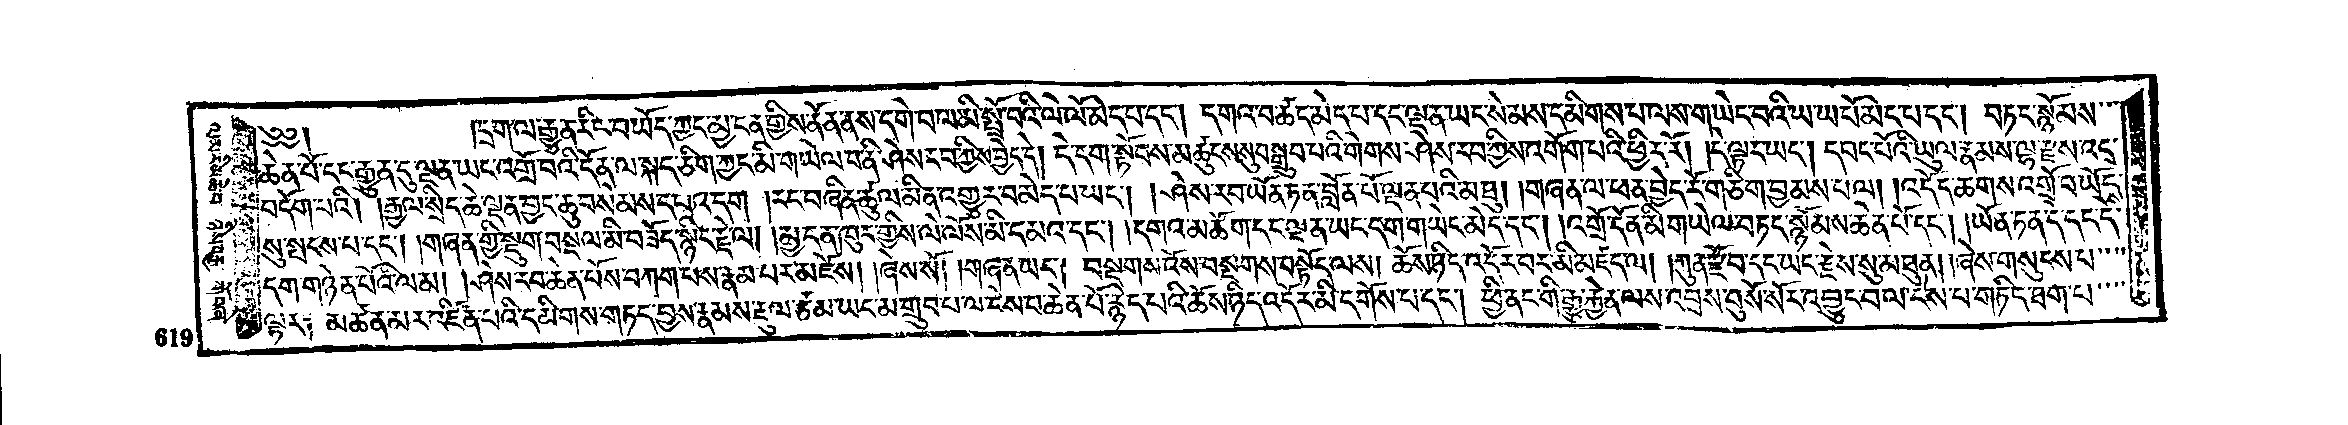༄༅། །དྲག་ལ་རྒྱུན་རིང་བ་ཡོད་ཀྱང་མྱ་ངན་གྱིས་ནོན་ནས་དགེ་བ་ལ་མི་སྤྲོ་བའི་ལེ་ལོ་མེད་པ་དང་། དགའ་བ་ཚད་མེད་པ་དང་ལྡན་ཡང་སེམས་དམིགས་པ་ལས་གཡེང་བའི་ཡ་ཡ་པོ་མེད་པ་དང་། བཏང་སྙོམས་
ཆེན་པོ་དང་རྒྱུན་དུ་ལྡན་ཡང་འགྲོ་བའི་དོན་ལ་སྐད་ཅིག་ཀྱང་མི་གཡེལ་བ་ནི་ཤེས་རབ་ཀྱིས་བྱེད་དེ། དེ་དག་སྟོབས་མཚུངས་སུ་བསྒྲུབ་པའི་གེགས་ཤེས་རབ་ཀྱིས་འགོག་པའི་ཕྱིར་རོ། །དེ་ལྟར་ཡང་། དབང་པོའི་ཡུལ་རྣམས་ལྷ་རྫས་འདྲ་
བདོག་པའི། །རྒྱལ་སྲིད་ཆེ་ལྡན་བྱང་ཆུབ་སེམས་དཔའ་དག །རང་བཞིན་ཚུལ་མིན་འགྱུར་བ་མེད་པ་ཡང་། །ཤེས་རབ་ཡོན་ཏན་བློན་པོ་ལྡན་པའི་མཐུ། །གཞན་ལ་ཕན་བྱེད་རོ་གཅིག་བྱམས་པ་ལ། །འདོད་ཆགས་འགོ་བ་ཡོངས་
སུ་སྤངས་པ་དང་། །གཞན་གྱི་སྡུག་བསྔལ་མི་བཟོད་སྙིང་རྗེ་ལ། །མྱ་ངན་ཁུར་གྱིས་ལེ་ལོས་མི་དམའ་དང་། །དགའ་མཆོག་དང་ལྡན་ཡང་དག་གཡེང་མེད་དང་། །འགྲོ་དོན་མི་གཡེལ་བཏང་སྙོམས་ཆེན་པོ་དང་། །ཡོན་ཏན་དེ་དང་དེ་
དག་གཉེན་པོའི་ལམ། །ཤེས་རབ་ཆེན་པོས་བཀག་པས་རྣམ་པར་མཛེས། །ཞེས་སོ། །གཞན་ཡང་། བསྔགས་འོས་བསྔགས་བསྟོད་ལས། ཆོས་ཉིད་འདོར་བར་མི་མཛད་ལ། །ཀུན་རྫོབ་དང་ཡང་རྗེས་སུ་མཐུན། །ཞེས་གསུངས་པ་
ལྟར༑ མཚན་མར་འཛིན་པའི་དམིགས་གཏད་བྱས་རྣམས་རྡུལ་ཙམ་ཡང་མ་གྲུབ་པ་ལ་ངེས་པ་ཆེན་པོ་རྙེད་པའི་ཆོས་ཉིད་འདོར་མི་དགོས་པ་དང་། ཕྱི་ནང་གི་རྒྱུ་རྐྱེན་ལས། འབྲས་བུ་སོ་སོར་འབྱུང་བ་ལ་ངེས་པ་གཏིང་ཐག་པ་